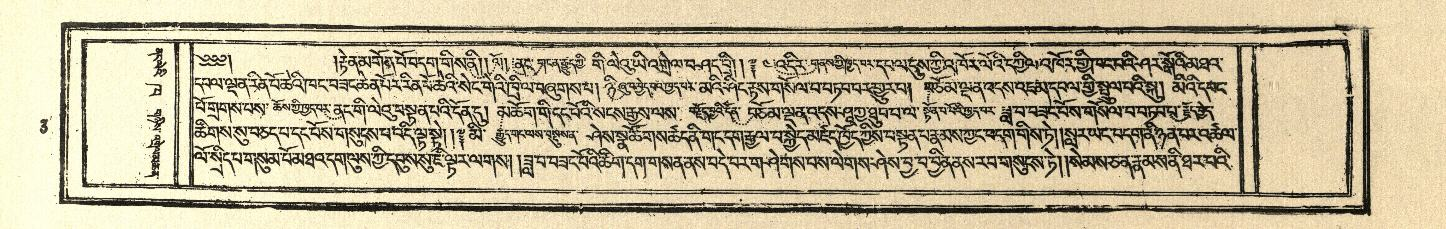༄༅། །རྟེན་མགོན་པོ་བདག་གིས་ནི། །འོ།།ནང་གང་ན་རྒྱུད་ཀྱིས་གི་ལེའུ་ཡི་འགྲེལ་བཤད་བྲི། །~ ༤་འདིར་གནས་ཀྱི་ཁྱད་པར་དཔལ་དུས་ཀྱི་འཁོར་ལོའི་དཀྱིལ་འཁོར་གྱི་ཁང་པའི་ཤར་སྒོའི་མཐའ་
དཔལ་ལྡན་རིན་པོ་ཆེའི་ཁང་བཟང་ཆེན་པོར་རིན་པོ་ཆེའི་སེང་གེའི་ཁྲི་ལ་བཞུགས་པ། ཉི་ཞུ་བ་བྱེད་པའི་ཁྱད་པར་མའི་ཤིང་རྟས་གསོལ་བ་བཏབ་པར་གྱུར་པ། བཅོམ་ལྡན་འདས་འཇམ་དཔལ་གྱི་སྤྲུལ་པའི་སྐུ། མིའི་དབང་
པོ་གྲགས་པས་ཆོས་ཀྱི་ཁྱད་པར་ནང་གི་ལེའུ་བསྟན་པའི་དོན་དུ། མཆོག་གི་དང་པོའི་སངས་རྒྱས་ལས་བརྗོད་བྱའི་དོན་བཅོམ་ལྡན་འདས་ཤཱ་ཀྱ་ཐུབ་པ་ལ་སྟོན་པ་པོའི་ཁྱད་པར་ཟླ་བ་བཟང་པོས་གསོལ་བ་བཏབ་པ་རྗོད་བྱེད་
ཚིགས་སུ་བཅད་པ་དང་པོས་གསུངས་པ་འདི་ལྟ་སྟེ། །~་མི་རྒྱུད་གང་ལས་བསྡུས་ན་ཤེས་སྣ་ཚོགས་ཚད་ནི་གང་དག་རྒྱལ་བ་སྐྱེད་མཛད་ཁྱོད་ཀྱིས་བསྟན་པ་རྣམས་ཀྱང་བདག་གིས་ཏེ། །སླར་ཡང་བདག་ནི་ཉན་པར་འཚལ་
ལོ་སྲིད་པ་གསུམ་པོ་མཐའ་དག་ལུས་ཀྱི་དབུས་སུ་ཇི་ལྟར་ལགས། །ཟླ་བ་བཟང་པོའི་ཚིག་དག་གསན་ནས་བདེ་བར་གཤེགས་པས་ལེགས་ཤེས་བྱ་བ་བྱིན་ནས་རབ་གསུངས་ཏེ། །སེམས་ཅན་རྣམས་ནི་ཐར་པའི་